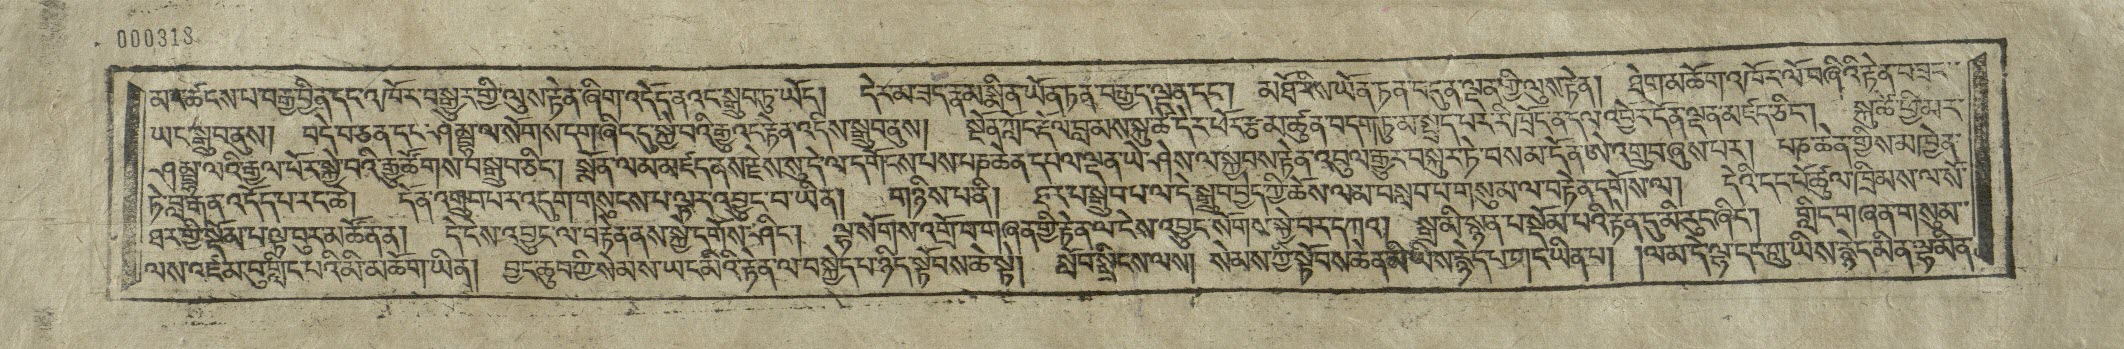མར་ཚངས་པ་བརྒྱ་བྱིན་དང་འཁོར་བསྒྱུར་གྱི་ལུས་རྟེན་ཞིག་འདོད་ནའང་སྒྲུབ་ཏུ་ཡོད། དེར་མ་ཟད་རྣམ་སྨིན་ཡོན་ཏན་བརྒྱད་ལྡན་དང་། མཐོ་རིས་ཡོན་ཏན་བདུན་ལྡན་གྱི་ལུས་རྟེན། ཐེག་མཆོག་འཁོར་ལོ་བཞིའི་རྟེན་བཟང་
ཡང་སྒྲུབ་ནུས། བདེ་བ་ཅན་དང་ཤམྦྷ་ལ་སོགས་དག་ཞིང་དུ་སྐྱེ་བའི་རྒྱུའང་རྟེན་འདིས་སྒྲུབ་ནུས། སྔོན་ཀློང་རྡོལ་བླ་མས་སྐུ་ཚེ་དེར་ཕོར་རྩམ་ཚུན་བདག་ཏུ་མ་སྤྲད་པར་རི་ཁྲོད་ན་དལ་འབྱོར་དོན་ལྡན་མཛད་ཅིང་། སྐུ་ཚེ་ཕྱི་མར་
ཤམྦྷ་ལའི་རྒྱལ་པོར་སྐྱེ་བའི་རྒྱུ་ཚོགས་བསྒྲུབ་ཅིང་། སྨོན་ལམ་མཛད་ནས་རྗེས་སུ་དེ་ལ་དགོངས་པས་པཎ་ཆེན་དཔལ་ལྡན་ཡེ་ཤེས་ལ་སྐྱབས་རྟེན་འབུལ་རྒྱུར་བསྐུར་ཏེ་བསམ་དོན་ཨེ་འགྲུབ་ཞུས་པར། པཎ་ཆེན་གྱིས་མཁྱེན་
ཏེ་བླ་རྒན་འདོད་པ་རང་ཆེ། དོན་འགྲུབ་པར་འདུག་གསུངས་པ་ལྟར་འབྱུང་བ་ཡིན། གཉིས་པ་ནི། ཐར་པ་སྒྲུབ་པ་ལ་དེ་སྒྲུབ་བྱེད་ཀྱི་ཆོས་ལམ་བསླབ་པ་གསུམ་ལ་བརྟེན་དགོས་ལ། དེའི་དང་པོ་ཚུལ་ཁྲིམས་ལ་སོ་
ཐར་གྱི་སྡོམ་པ་ལྟ་བུར་མཚོན་ན། དེ་ངེས་འབྱུང་ལ་བརྟེན་ནས་སྐྱེ་དགོས་ཤིང་། ལྷ་སོགས་འགྲོ་བ་གཞན་གྱི་རྟེན་ལ་ངེས་འབྱུང་སོགས་སྐྱེ་བར་དཀའ། སྒྲ་མི་སྙན་པ་སྡོམ་པའི་རྟེན་དུ་མི་རུང་ཞིང་། གླིང་གཞན་གསུམ་
ལས་འཛམ་བུ་གླིང་པའི་མི་མཆོག་ཡིན། བྱང་ཆུབ་ཀྱི་སེམས་ཡང་མིའི་རྟེན་ལ་བསྐྱེད་པ་ཉིད་སྟོབས་ཆེ་སྟེ། སློབ་སྤྲིངས་ལས། སེམས་ཀྱི་སྟོབས་ཆེན་མི་ཡིས་རྙེད་པ་གང་ཡིན་པ། །ལམ་དེ་ལྷ་དང་ཀླུ་ཡིས་རྙེད་མིན་ལྷ་མིན་